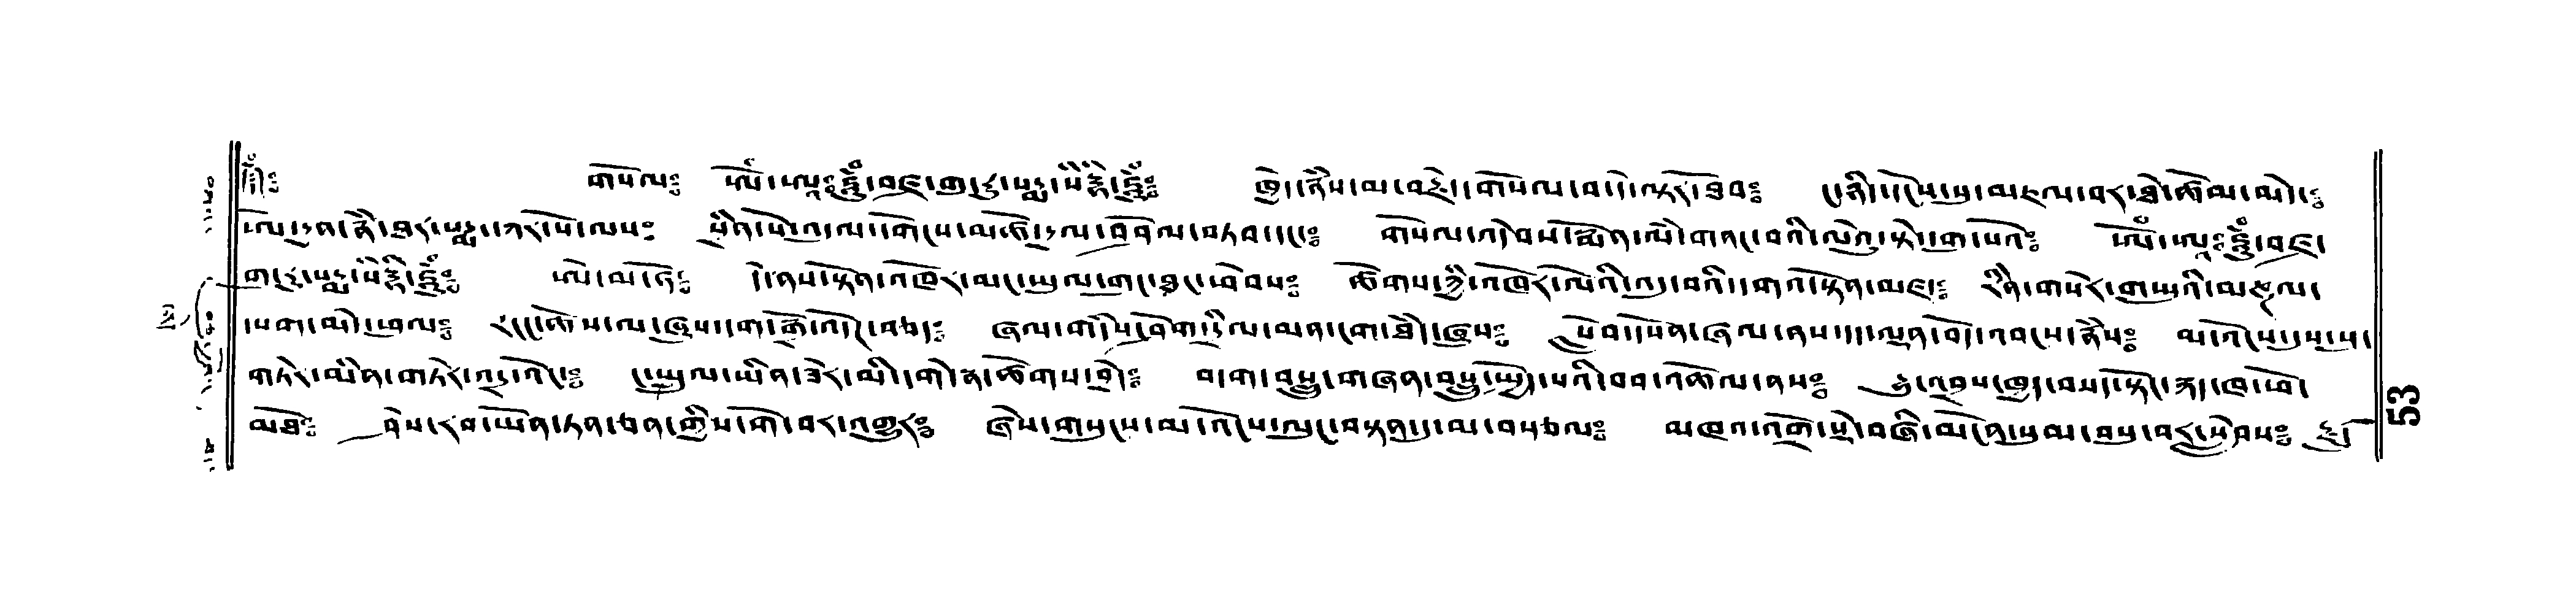གསོལ༔ ཨོཾ་ཨཱཿཧཱུྃ་བཛྲ་གུ་རུ་པདྨ་སིདྡྷི་ཧཱུྃ༔ ཁྱེད་རྣམས་མ་བརྗེད་གསོལ་བ་དེ་ལྟར་ཐོབ༔ ང་ཉིད་དངོས་སུ་མཇལ་བར་ཐེ་ཚོམ་མེད༔ 
ཨོ་རྒྱན་རྣམ་ཐར་པདྨ་དཀར་པོ་ལས༔ སྲིན་པོ་འདུལ་དགོངས་མཚོ་རྒྱལ་བཤོལ་བཏབ་དང༔ གསོལ་འདེབས་སྨོན་ལམ་གནང་བའི་ལེའུ་སྟེ་དགུ་པའོ༔ ཨོཾ་ཨཱཿཧཱུྃ་བཛྲ་
གུ་རུ་པདྨ་སིདྡྷི་ཧཱུྃ༔ ཨེ་མ་ཧོ༔ དེ་ནས་སྟོན་འཁོར་མང་ཡུལ་གུང་ཐང་ཕེབས༔ ཚོགས་ཀྱི་འཁོར་ལོའི་འདུ་བའི་དགའ་སྟོན་མཛད༔ རིན་ཆེན་གསེར་གཡུའི་མཎྜལ་
དཔག་མེད་ཕུལ༔ རང་རང་ཆོས་ལ་ཞུས་དག་སྒྲོ་འདོགས་བཅད༔ ཞལ་གདམས་ཤོག་དྲིལ་མན་ངག་ཐམས་ཅད་ཞུས༔ སློབ་དཔོན་ཞལ་ནས་དད་ལྡན་བོད་འབངས་རྣམས༔ མ་འོངས་དུས་སུ་
གཏེར་མིན་གཏེར་འདྲ་འོང༔ ང་སྤྲུལ་ཡིན་ཟེར་མི་དགེ་སྣ་ཚོགས་བྱེད༔ བདག་བསླུ་གཞན་བསླུ་སྤྱོད་པའི་བབ་འཆོལ་ནས༔ རྒྱུ་འབྲས་ཁྱད་བསད་སྟོང་སྐད་ཁ་ཕོ་
མཐོ༔ ཤེས་རབ་ཡོན་ཏན་ཅན་གྱིས་གོ་བར་འགྱུར༔ ཞེས་གསུངས་མ་འོངས་ལུང་བསྟན་དུ་མ་བསྩལ༔ མཁའ་འགྲོ་སྡེ་བཞི་མངོན་སུམ་བསུ་བར་བསླེབས༔ རྫུ་